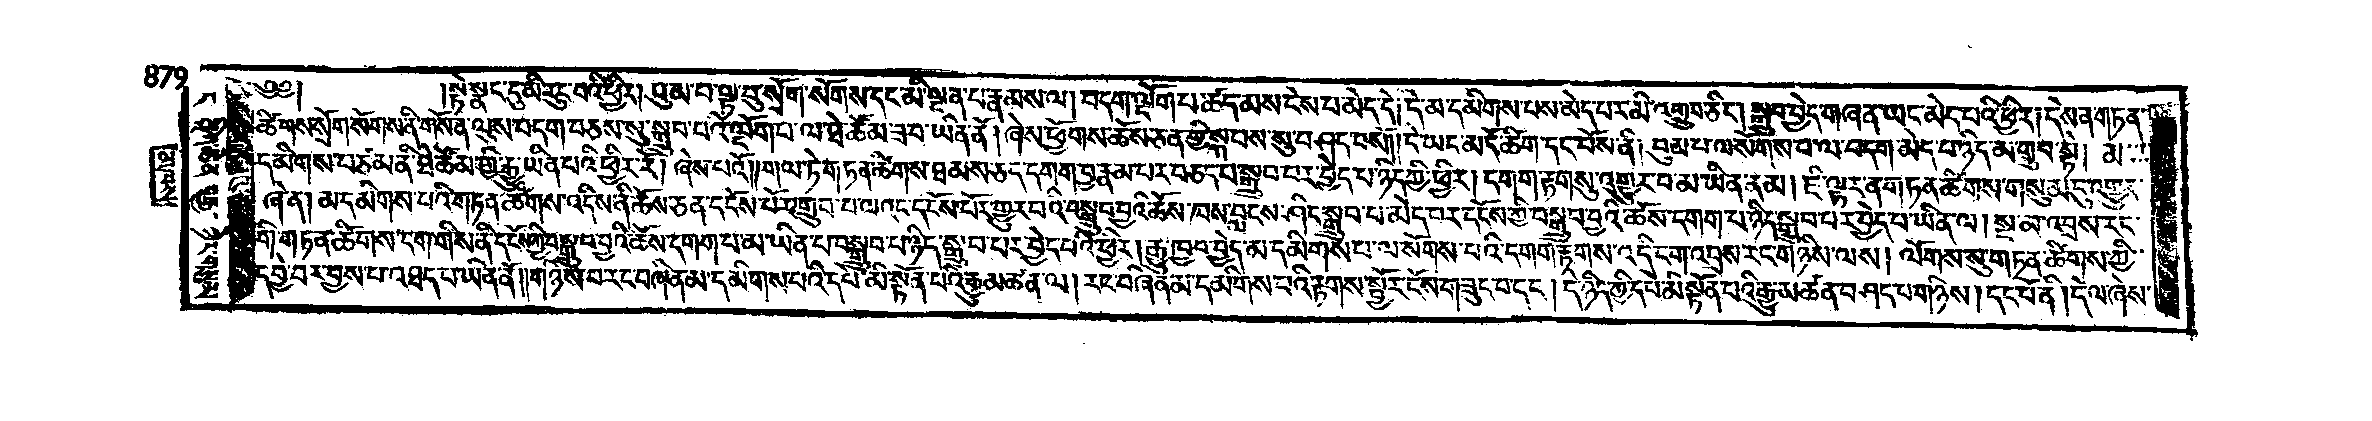༄༅། །སྟེ་སྣང་དུ་མི་རུང་བའི་ཕྱིར། བུམ་པ་ལྟ་བུ་སྲོག་སོགས་དང་མི་ལྡན་པ་རྣམས་ལ། བདག་ལྡོག་པ་ཚད་མས་ངེས་པ་མེད་དེ། དེ་མ་དམིགས་པས་མེད་པར་མི་འགྲུབ་ཅིང་། སྒྲུབ་བྱེད་གཞན་ཡང་མེད་པའི་ཕྱིར། དེས་ན་གཏན་
ཚིགས་སྲོག་སོགས་ནི་གསོན་ལུས་བདག་བཅས་སུ་སྒྲུབ་པའི་ལྡོག་པ་ལ་ཐེ་ཚོམ་ཟ་བ་ཡིན་ནོ། ཞེས་ཕྱོགས་ཆོས་ཅན་གྱི་སྐབས་སུ་བཤད་པ་སོ། །དེ་ཡང་མདོ་ཚིག་དང་པོས་ནི། བུམ་པ་ལ་སོགས་པ་ལ་བདག་མེད་པ་ཉིད་མ་གྲུབ་སྟེ། མ་
དམིགས་པ་ཙམ་ནི་ཐེ་ཚོམ་གྱི་རྒྱུ་ཡིན་པའི་ཕྱིར་རོ། ཞེས་པའོ། །གལ་ཏེ་གཏན་ཚིགས་ཐམས་ཅད་དགག་བྱ་རྣམ་པར་བཅད་པ་སྒྲུབ་པར་བྱེད་པ་ཉིད་ཀྱི་ཕྱིར། དགག་རྟགས་སུ་འགྱུར་བ་མ་ཡིན་ནམ། ཇི་ལྟར་ན་གཏན་ཚིག་གསུམ་དུ་འགྱུར་
ཞེ་ན། མ་དམིགས་པའི་གཏན་ཚིགས་འདིས་ནི་ཆོས་ཅན་དངོས་པོར་གྲུབ་པ་ལའང་དངོས་པོར་གྱུར་པའི་བསྒྲུབ་བྱའི་ཆོས་ཁས་བླངས་ཤིང་སྒྲུབ་པ་མེད་པར་བསྒྲུབ་བྱའི་ཆོས་ཁས་བླངས་ཤིང་སྒྲུབ་པ་མེད་པར་དངོས་ཀྱི་བསྒྲུབ་བྱའི་ཆོས་དགག་པ་ཉིད་སྒྲུབ་པར་བྱེད་པ་ཡིན་ལ། སྔ་མ་འབྲས་རང་
གི་གཏན་ཚིགས་དག་གིས་ནི་དངོས་ཀྱི་བསྒྲུབ་བྱའི་ཆོས་དགག་པ་མ་ཡིན་པ་བསྒྲུབ་པ་ཉིད་སྒྲུབ་པར་བྱེད་པའི་ཕྱིར། རྒྱུ་ཁྱབ་བྱེད་མ་དམིགས་པ་ལ་སོགས་པའི་དགག་རྟགས་འདི་དག་འབྲས་རང་གཉིས་ལས། ལོགས་སུ་གཏན་ཚིགས་ཀྱི་
དབྱེ་བར་བྱས་པ་འཐད་པ་ཡིན་ནོ། །གཉིས་པ་རང་བཞིན་མ་དམིགས་པའི་དཔེ་མི་སྟོན་པའི་རྒྱུ་མཚན་ལ། རང་བཞིན་མ་དམིགས་པའི་རྟགས་སྦྱོར་ངོས་གཟུང་བ་དང་། དེ་ཉིད་ཀྱི་དཔེ་མི་སྟོན་པའི་རྒྱུ་མཚན་བཤད་པ་གཉིས། དང་པོ་ནི། དེ་ལ་ཞེས་